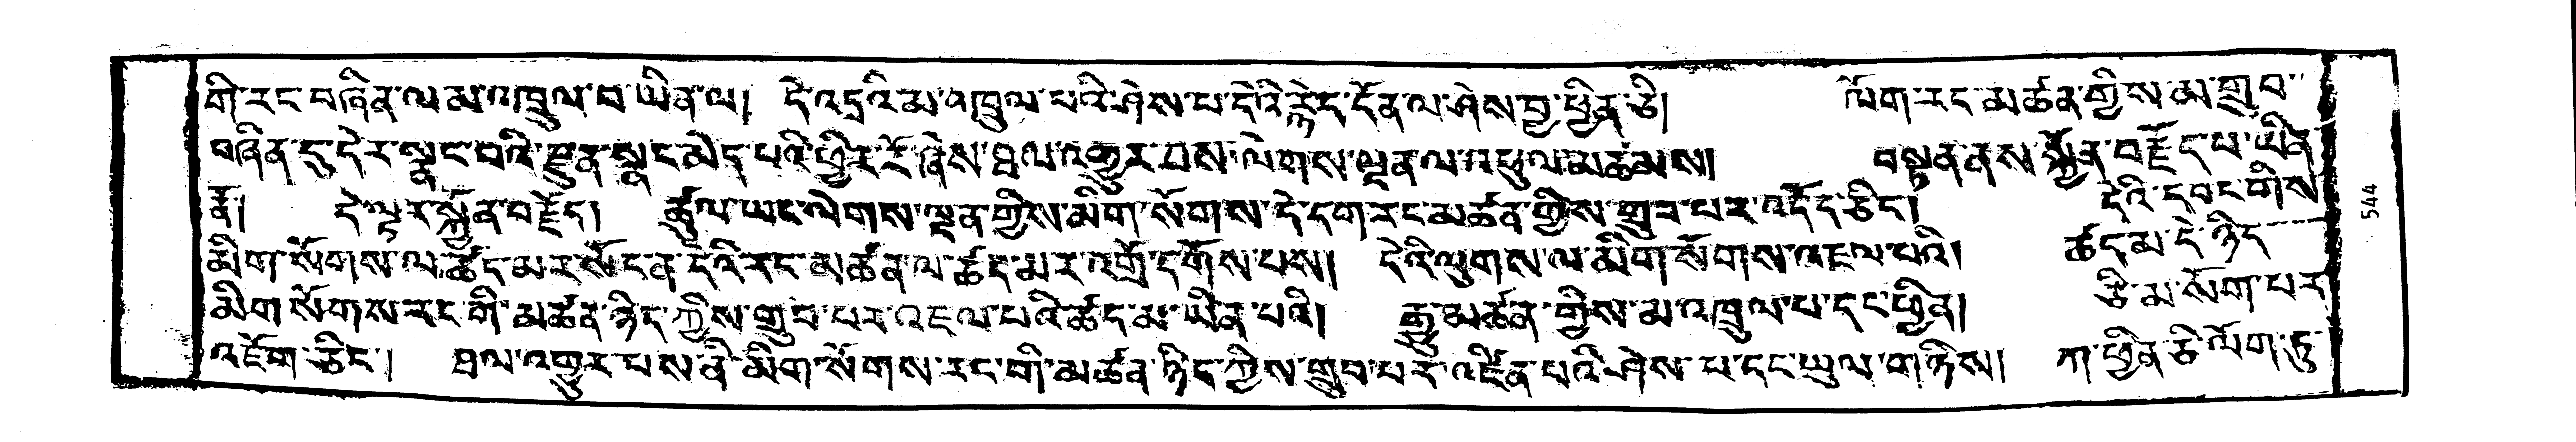གི་རང་བཞིན་ལམ་འཁྲུལ་བ་ཡིན་ལ། དེ་འདྲའི་མ་འཁྲུལ་བའི་ཤེས་པ་དེའི་རྙེད་དོན་ལ་ཤེས་བྱ་ཕྱིན་ཅི། ལོག་རང་མཚན་གྱིས་མ་གྲུབ་
བཞིན་དུ་དེར་སྣང་བའི་རྫུན་སྣང་མེད་པའི་ཕྱིར་རོ་ཞེས་ཐལ་འགྱུར་བས་ལེགས་ལྡན་ལ་འཕུལ་མཚམས། བསྟན་ནས་སྐྱོན་བརྗོད་པ་ཡིན་
ནོ། དེ་ལྟར་སྐྱོན་བརྗོད། ཚུལ་ཡང་ལེགས་ལྡན་གྱིས་མིག་སོགས་དེ་དག་རང་མཚན་གྱིས་གྲུབ་པར་འདོད་ཅིང་། དེའི་དབང་གིས་
མིག་སོགས་ལ་ཚད་མར་སོང་ན་དེའི་རང་མཚན་ལ་ཚད་མར་འགྲོ་དགོས་པས། དེའི་ལུགས་ལ་མིག་སོགས་འཇལ་པའི། ཚད་མ་དེ་ཉིད་
མིག་སོགས་རང་གི་མཚན་ཉིད་ཀྱིས་གྲུབ་པར་འཇལ་པའི་ཚད་མ་ཡིན་པའི། རྒྱུ་མཚན་གྱིས་མ་འཁྲུལ་པ་དང་ཕྱིན། ཅི་མ་སོག་པར་
འཇོག་ཅིང་། ཐལ་འགྱུར་པས་ནི་མིག་སོགས་རང་གི་མཚན་ཉིད་ཀྱིས་གྲུབ་པར་འཛིན་པའི་ཤེས་པ་དང་ཡུལ་གཉིས། ཀ་ཕྱིན་ཅི་ལོག་ཏུ་